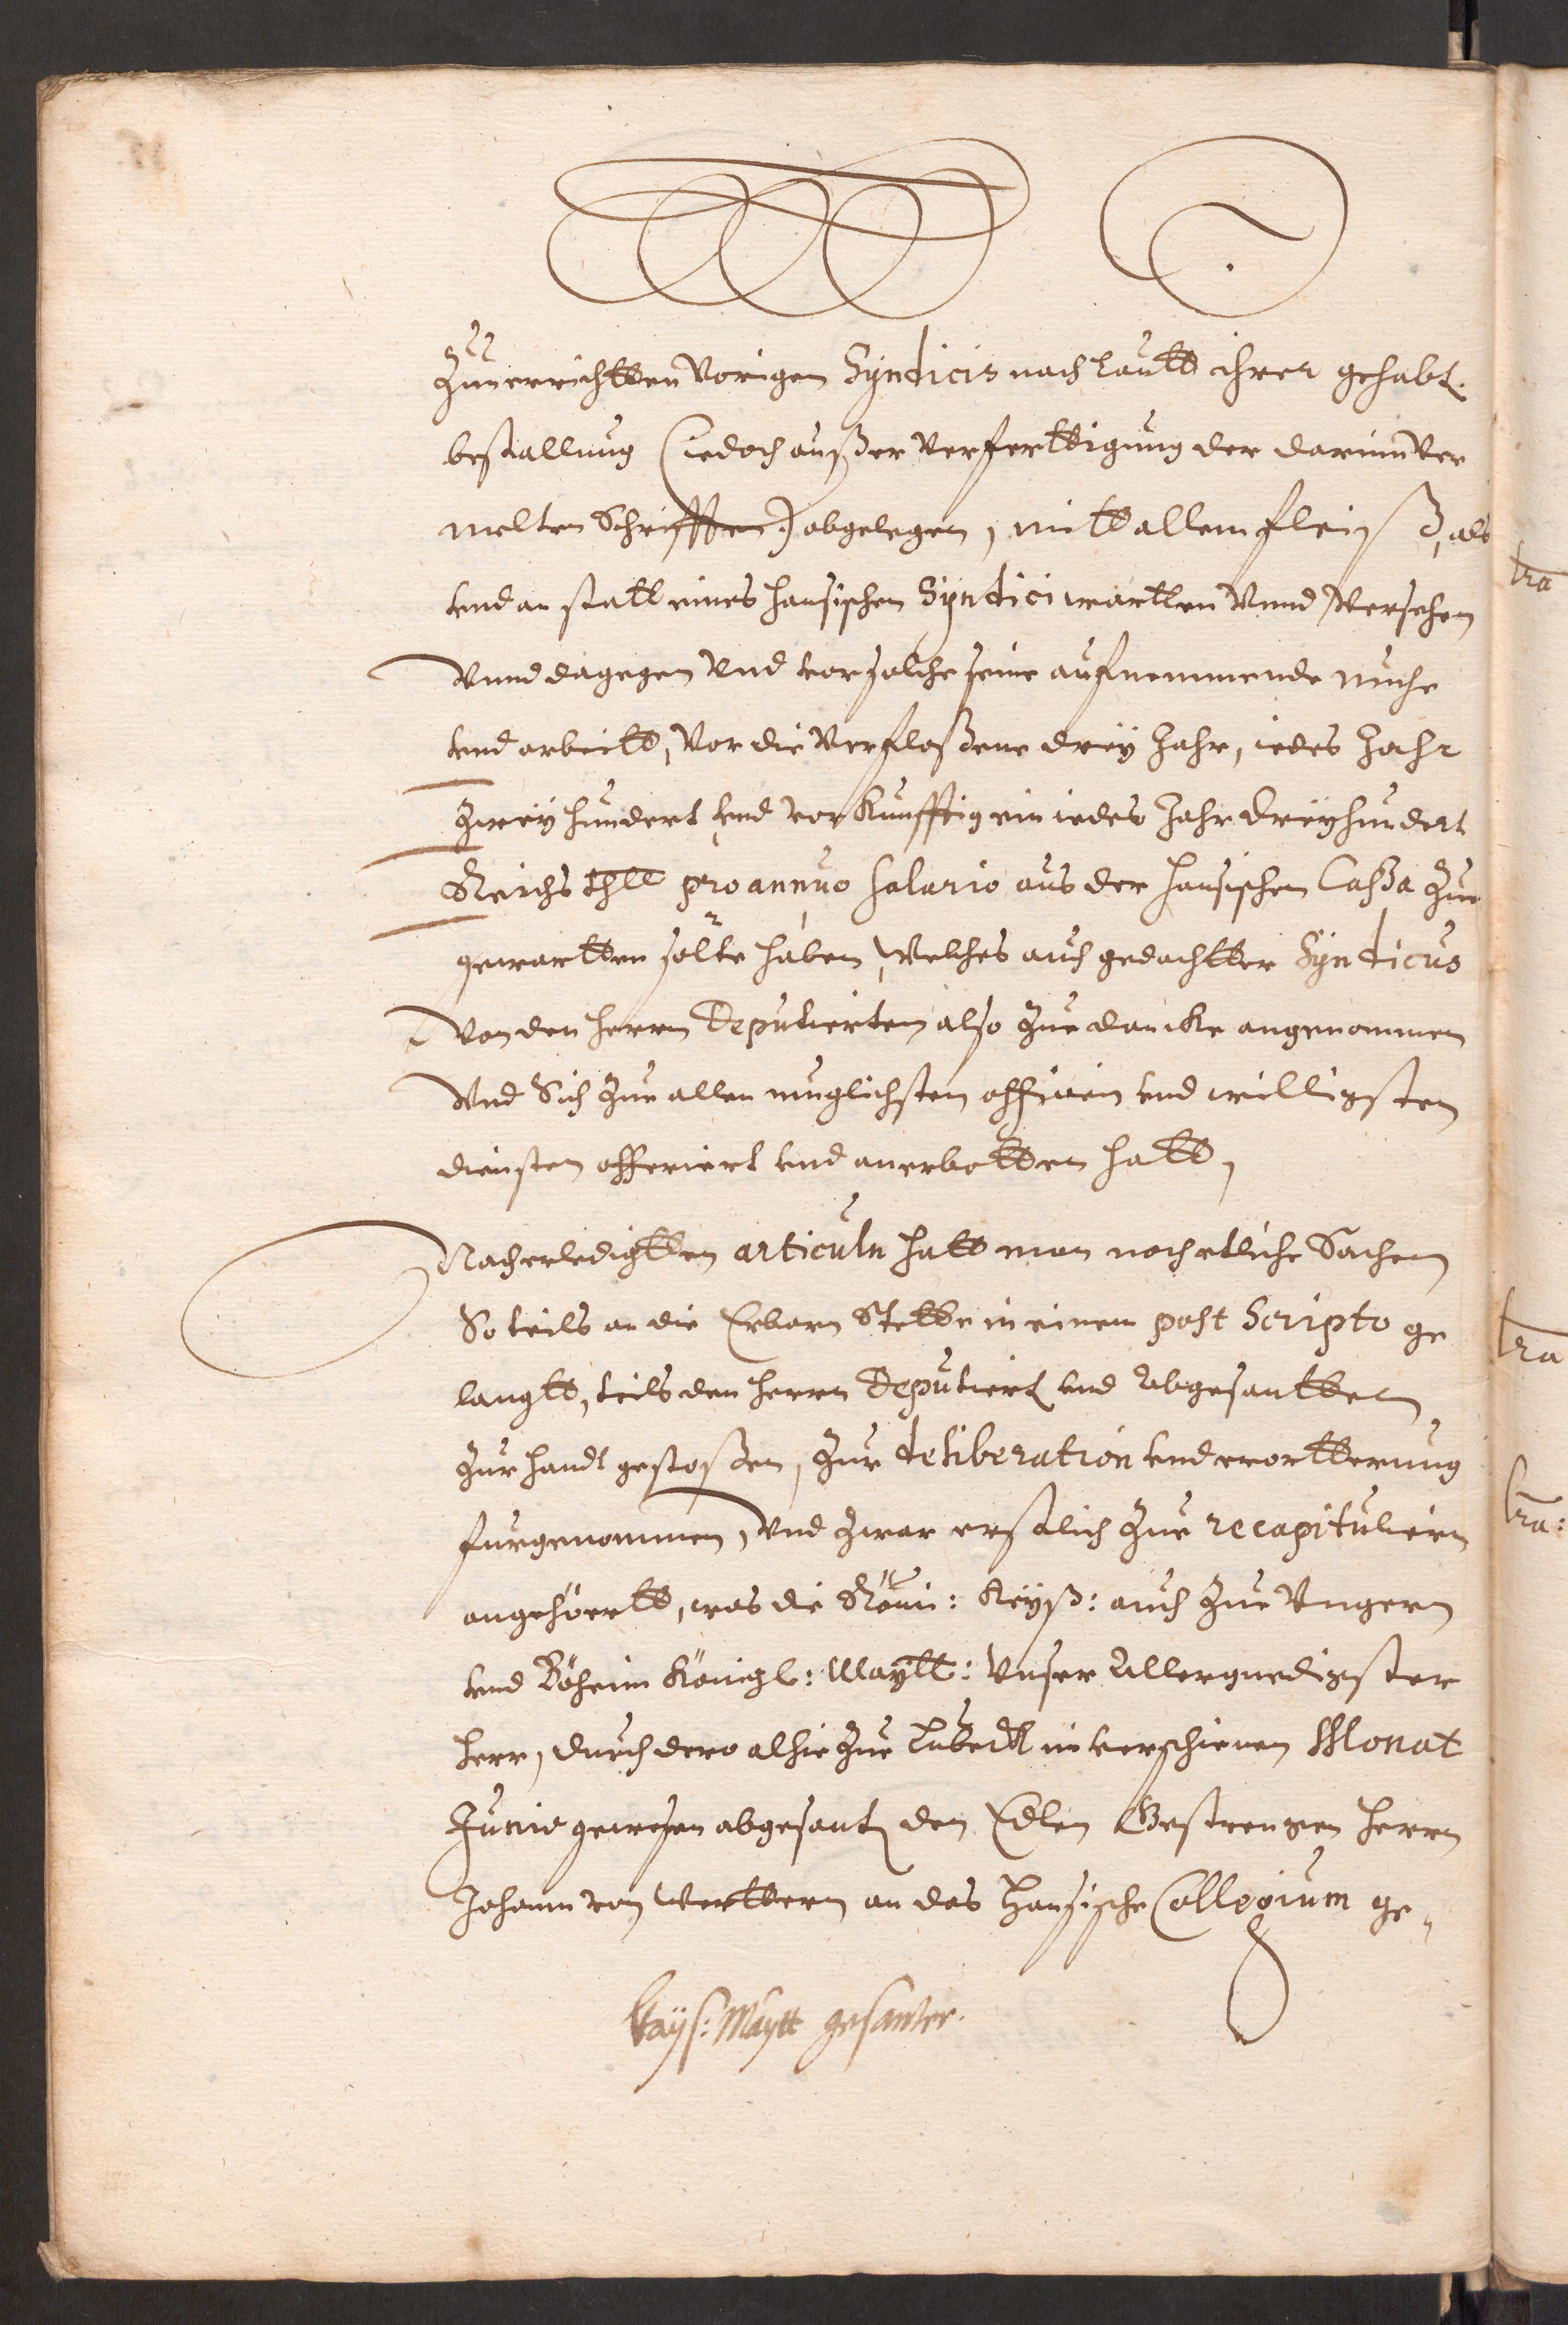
zuuerrichtten vorigen Sijndicis nach lautt ihren gehabten
bestallung (iedoch außer verferttigung der darinn ver
melten Schrifften .) abgelegen, mitt allem fleiß, als
vnd an statt eines hansischen Sijndici wartten vnnd versehen
Vnnd dagegen vnd vor solche seine aufnemmende muhe
vnd arbeitt, vor die verfloßene dreij Jahr, iedes Jahr
zweij hundert, vnd vor kunfftig ein iedes Jahr dreijhundert
Reichsthll pro annuo salario aus der hansischen Cassa zue
2 1
gewartten solte haben, Welches auch gedachtter Sijndicus
Von den herrn Deputierten also zue dancke angenommen
Vnd Sich zue allen muglichsten officien willigsten
diensten offeriert vnd anerbotten hatt,
Nach erledigtten articuln hatt man noch etliche Sachen
So teils an die Erbarn Stette in einem post Scripto ge
langtt, teils den herrn Deputierten vnd Abgesantten
zur handt gestoßen, zur deliberation vnd erortterung
furgenommen, Vnd zwar erstlich zue recapituliern
angehöertt, was die Römi: Keijß: auch zue Vngern
vnd Böheim Königl: Maijtt: vnser Allergnedister
herr, durch dero alhie zue Lubeck in verschienen Monat
Junio gewesen abgesanten den Edlen Gestrengen herrn
Johann von Werttern an das Hansische Collegium ge¬
Kaijs: Maytt gesanter.
